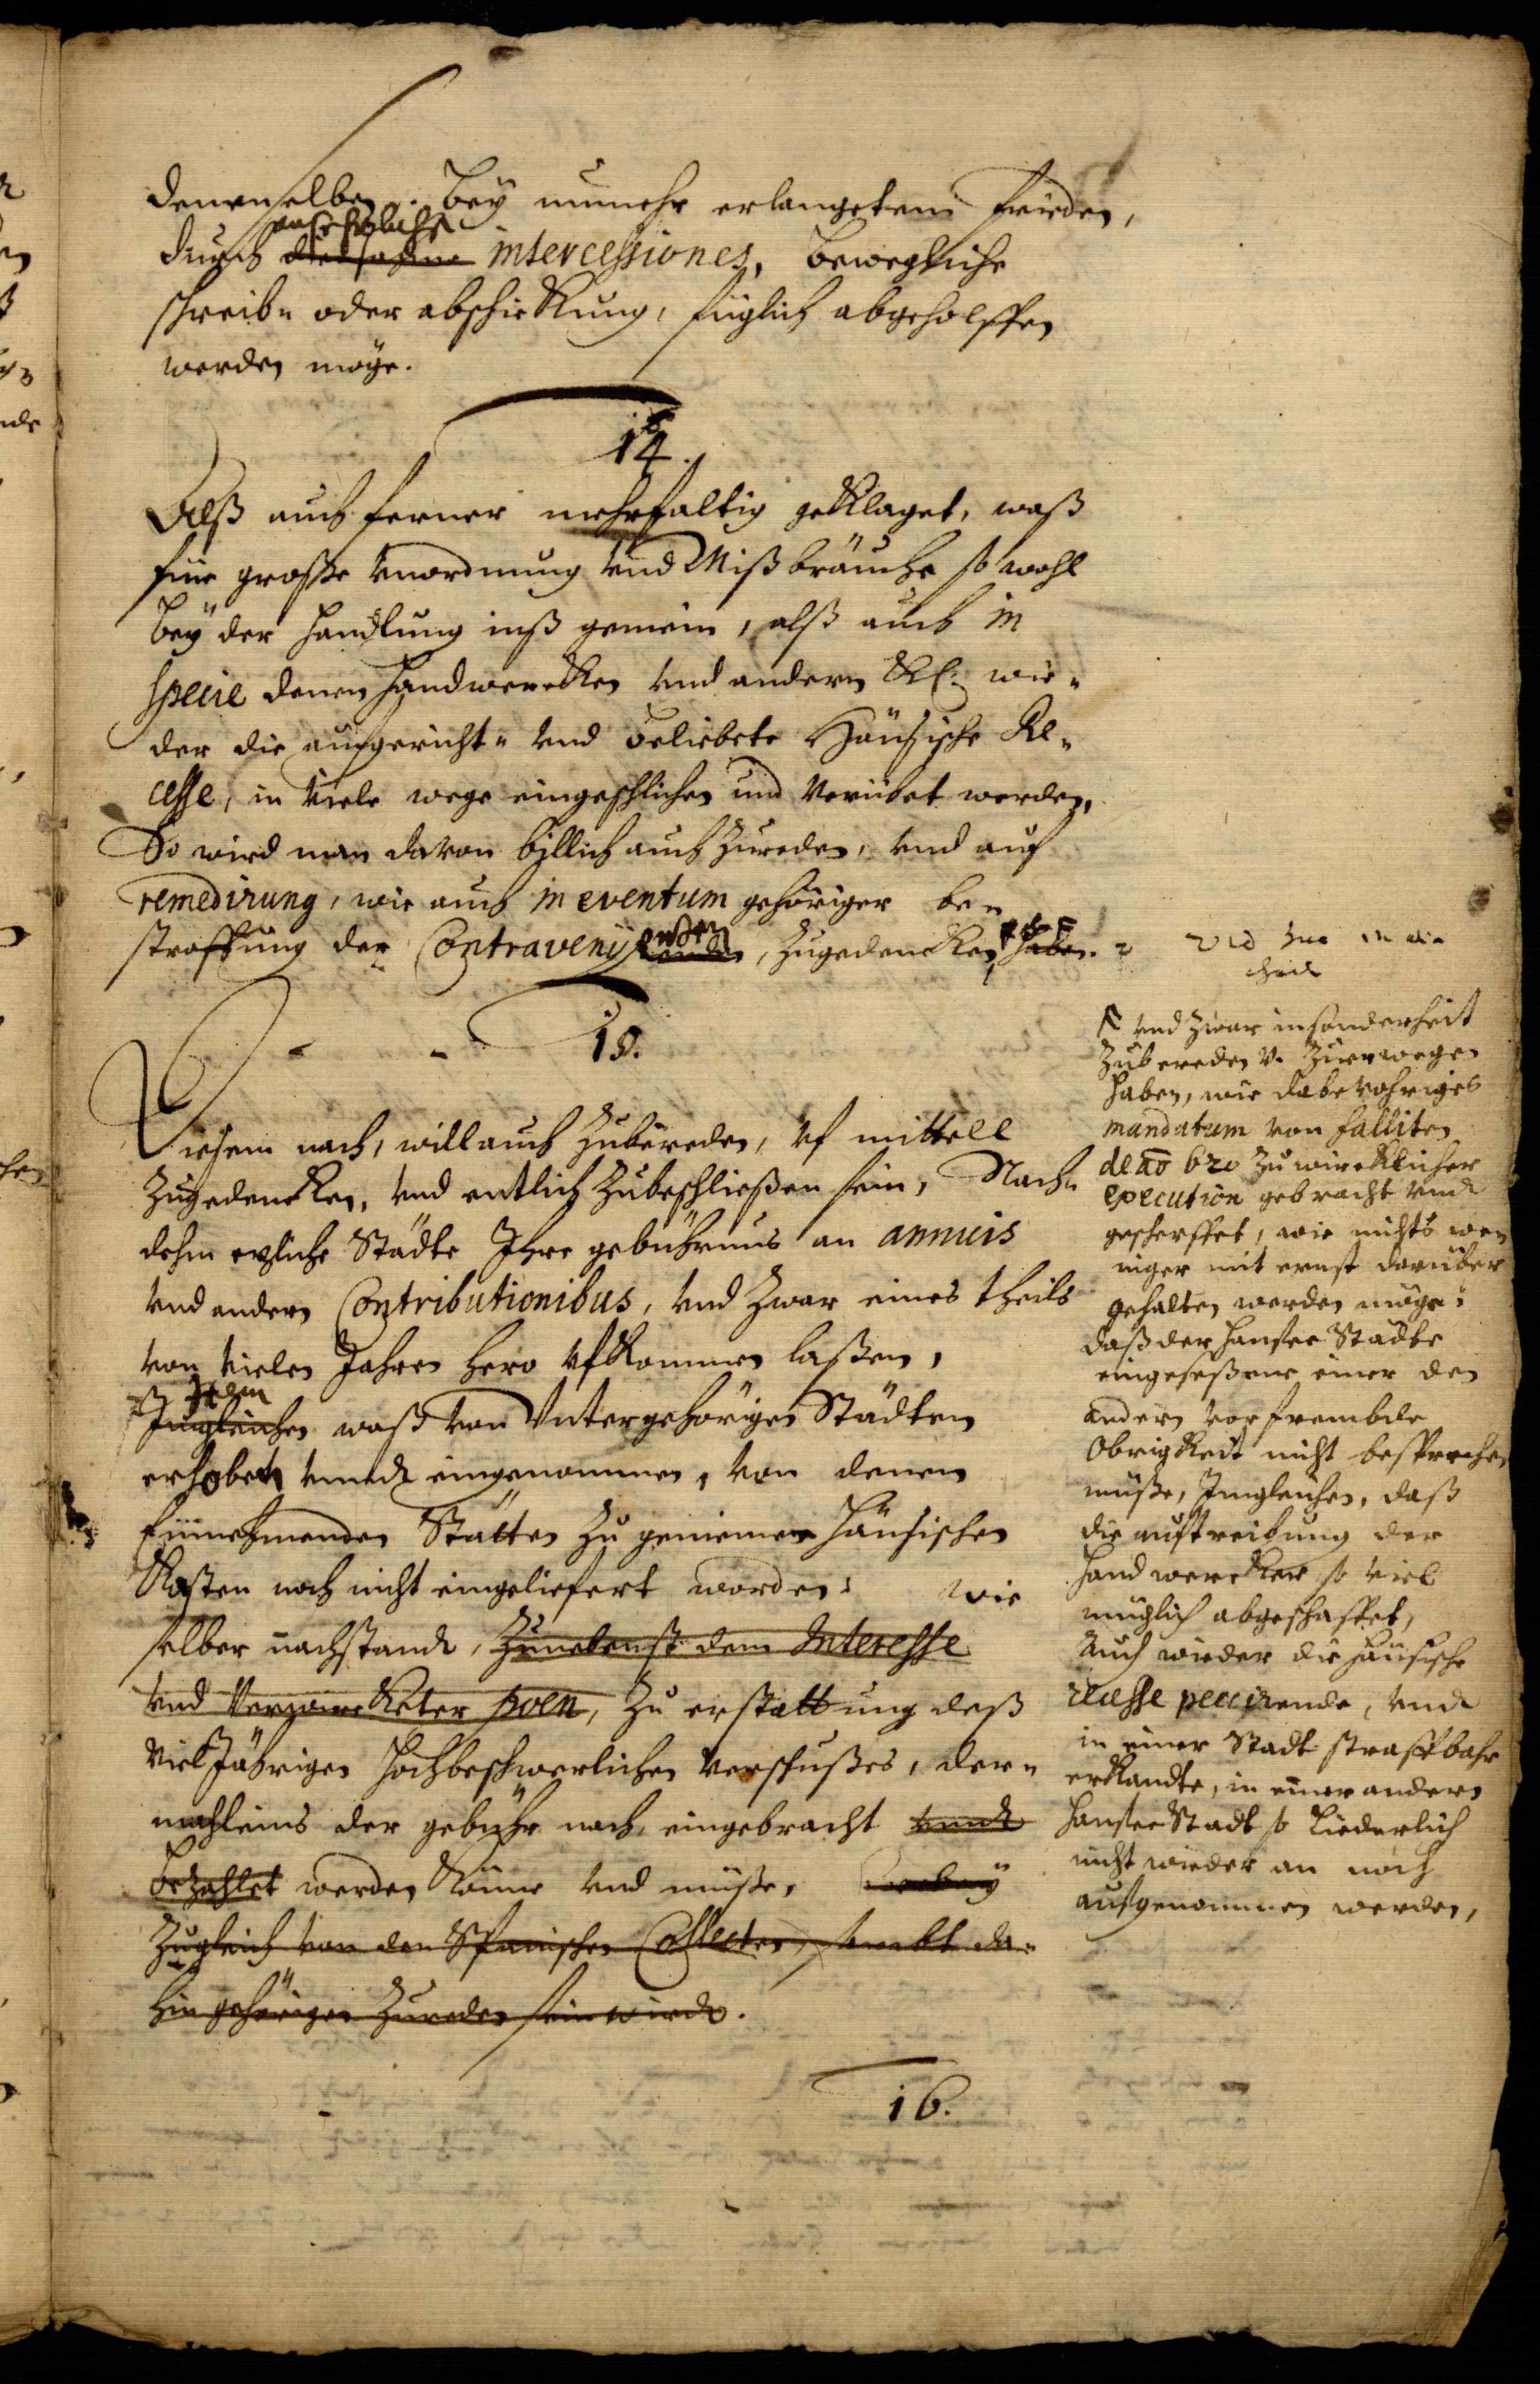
denenselben, beij numehr erlangetem frieden,
durch die sahm ansehnliche intercessiones, bewegliche
schreib- oder abschickung, füglich abgeholffen
werden möge.
14.
Alß auch ferner mehrfaltig geklaget, waß
für große vnordnung vnd Mißbräuche so wohl
beij der handlung inß gemein, alß auch in
Specie denen handwercken vnd andern &c. wie¬
der die aufgericht- vnd beliebete Hänsische Re¬
cesse, in viele wege eingeschlichen vnd vorübet werden,
So wird man davon billich auch zureden, vnd auf
remedirung, wie auch in eventum gehöriger be¬
straffung der Contravenij henden endten zugedencken haben. F
vid huc in alia
hact
F vnd zwar insonderheit
zubereden v. zuerwegen
haben, wie dabevohriges
mandatum von falliten
de anno 620 zu wircklicher
execution gebracht vndt
gescherffet, wie nichts we¬
niger mit ernst darüber
gehalten werden möge:
daß der hansee Städte
eingeseßene einer den
andern vor frembde
Obrigkeit nicht besprechen
müße Imgleichen, daß
die auftreibung der
handwercker so viel
müglich abgeschaffet,
auch wieder die hänsische
recesse peccirende, vndt
in einer Stadt straffbahr
erkandte, in einer andern
hansee Stadt so Liederlich
nicht wieder an noch
aufgenommen werden,
15.
Diesem nach, will auch zubereden, vf mittell
zugedencken, vnd entlich zubeschließen sein, Nach¬
dehm etzliche Städte Ihrer gebührnus an annuis
vnd andern Contributionibus, vnd zwar eines theils
von vielen Jahren hero vfkommen laßen,
Imgleichen Item waß von vntergehörigen Städten
erhoben vnndt eingenommen, von denen
Einnehmenden Stätten zu gemeiner hänsischen
Kosten noch nicht eingeliefert worden, wie
selber nachstandt, zunebenst dem Interesse
vnd verwircketer poen, zu erstattung deß
viel Jährigen hochbeschwerlichen verschußes,der¬
mahleins der gebühr nach eingebracht vnndt
bezahlet werden könne vnd müße, wobeij
zugleich von den spanischen Collecten, sambt da¬
hin gehörigen zureden sein wirdt
16.
